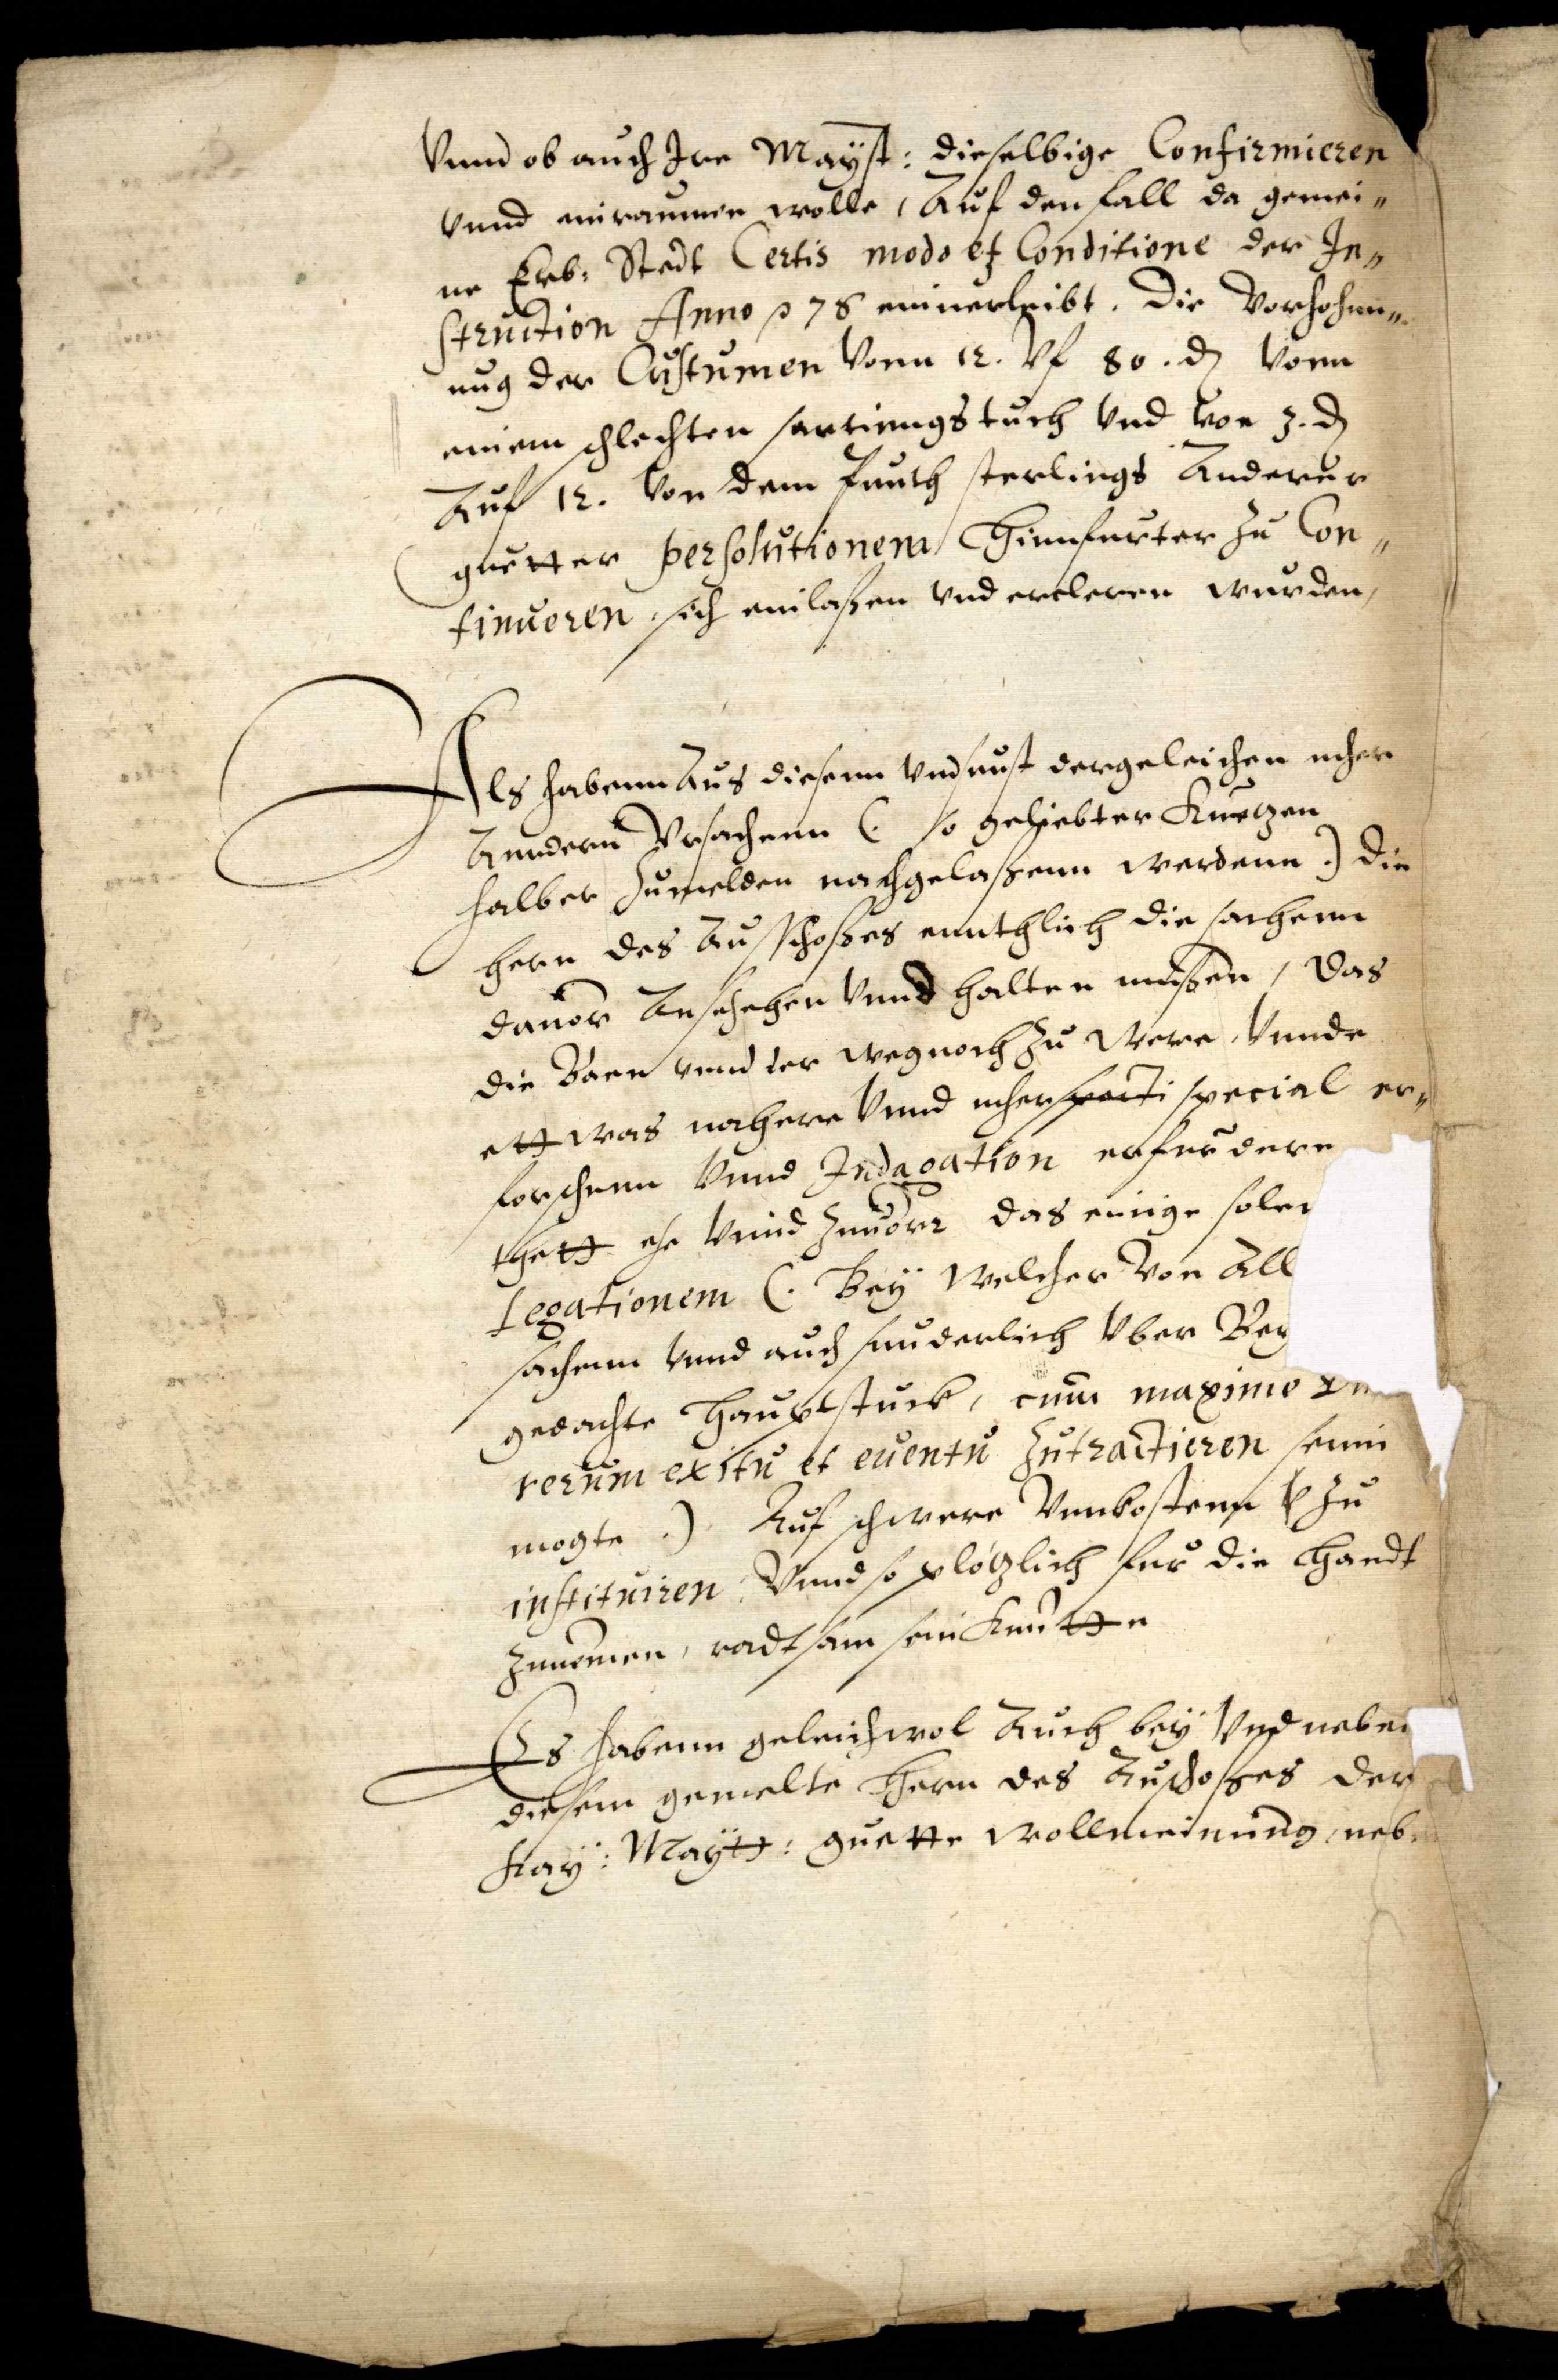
Vnnd ob auch Ire Maijtt: dieselbige Confirmieren
vnnd einraumen wolle, Auf den fall da gemei¬
ne Erb: Stedt Certis modo et Conditione der In¬
struction Anno p 76 einuerleibt, die Vorhohnn¬
ung der Custumen Vonn 12. Vf 80. den vonn
einem schlechten sartinngstuch vnd von 3. den
Auf 12. von dem Punth sterlings Anderer
guetter per solutionem Hinnfurter zu co¬
tinueren, sich einlaßen vnd ercleren wurden,
Als habenn Aus diesem vnd sunst dergeleichen mher
Anndern Vrsachenn (. so geliebter Kurtzen
halber zu melden nachgelaßenn werdenn.) die
Hern des Aussschoßes ennthlich die sachenn
dauor Ansesehen Vnnd Halten mußen, das
die Baen vnnd der weg noch zu Were, Vnnde
ettwas nahren Vnnd mherspecti special er¬
forschenn vnnd Indagation erfurdern
thett ehe vnnd zuuor das einige solet
Legationem (.Beij Welcher von All
sachen vnnd auch sunderlich Vber Beij
gedachte Hauptstuck, cum maximo n
rerum exitu et euentu zutractieren seinn
mogte.) Suf schwere Vnnkostenn P zu
instituiren, Vnnd so plotzlich fur die Handt
zunemen, radtsam sein Kuntte
Es habenn geleichwol Auch beij Vnd neben
diesem gemelte Hern des Auschoßes der
Kaij: Maijtt guette wollmeinung, neb
